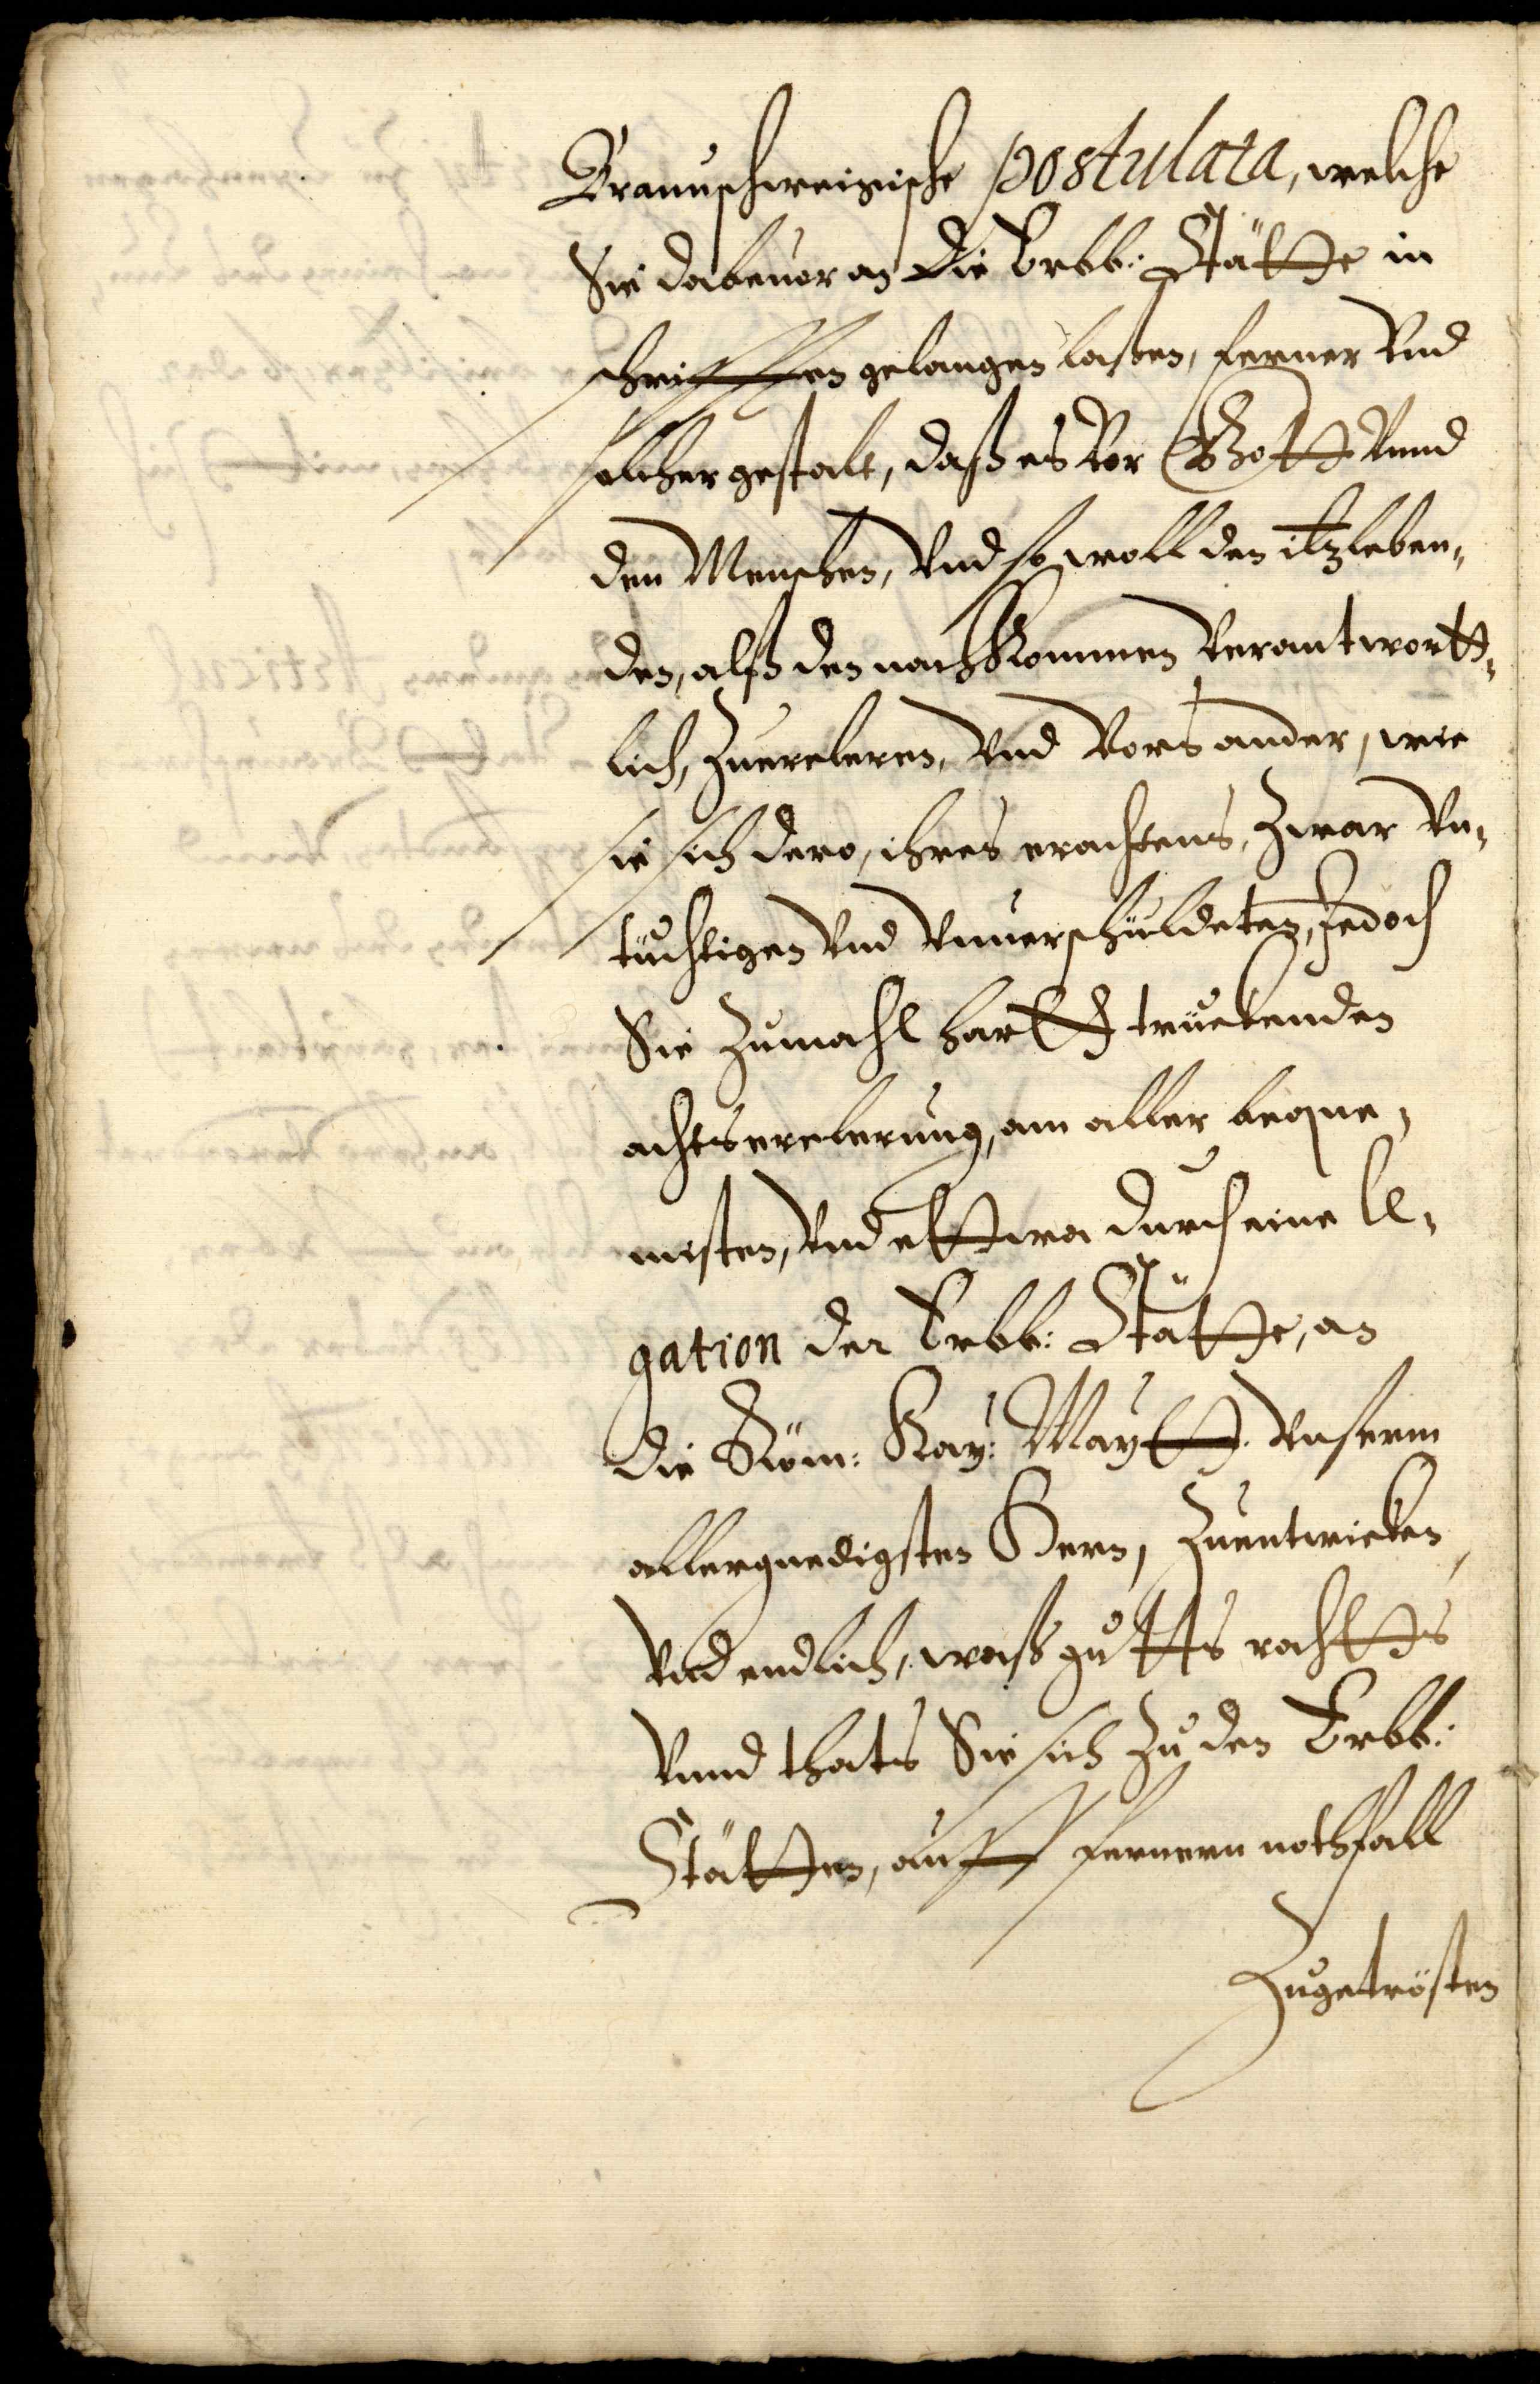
Braunschweigische postulata, welche
Sie dabeuor an die Erbb: Stätte in
schriften gelangen laßen, ferner Vnd
selber gestalt, Daß es Vor Gott Vnnd
den Menschen, Vnd so woll den itzleben¬
den, alß den nachKommen Verantwortt¬
lich, zuercleren, Vnd Vors ander, wie
sie sich dero, ihres erachtens, zwar Vn¬
tüchtigen Vnd Vnuerschüldeten, Jedoch
Sie zumahl hartt trückenden
achtserclerung, am aller beque¬
misten, Vnd ettwa Durch eine Le¬
gation Der Erbb: Stätte, an
Die Röm: Kay: Maytt. Vnserm
allergnedigsten Hern, zuentwirken
Vnd endlich, waß gutts rahtts
Vnnd thats Sie sich zu den Erbb:
Stätten, auff fernern nothfall
zugetrösten
